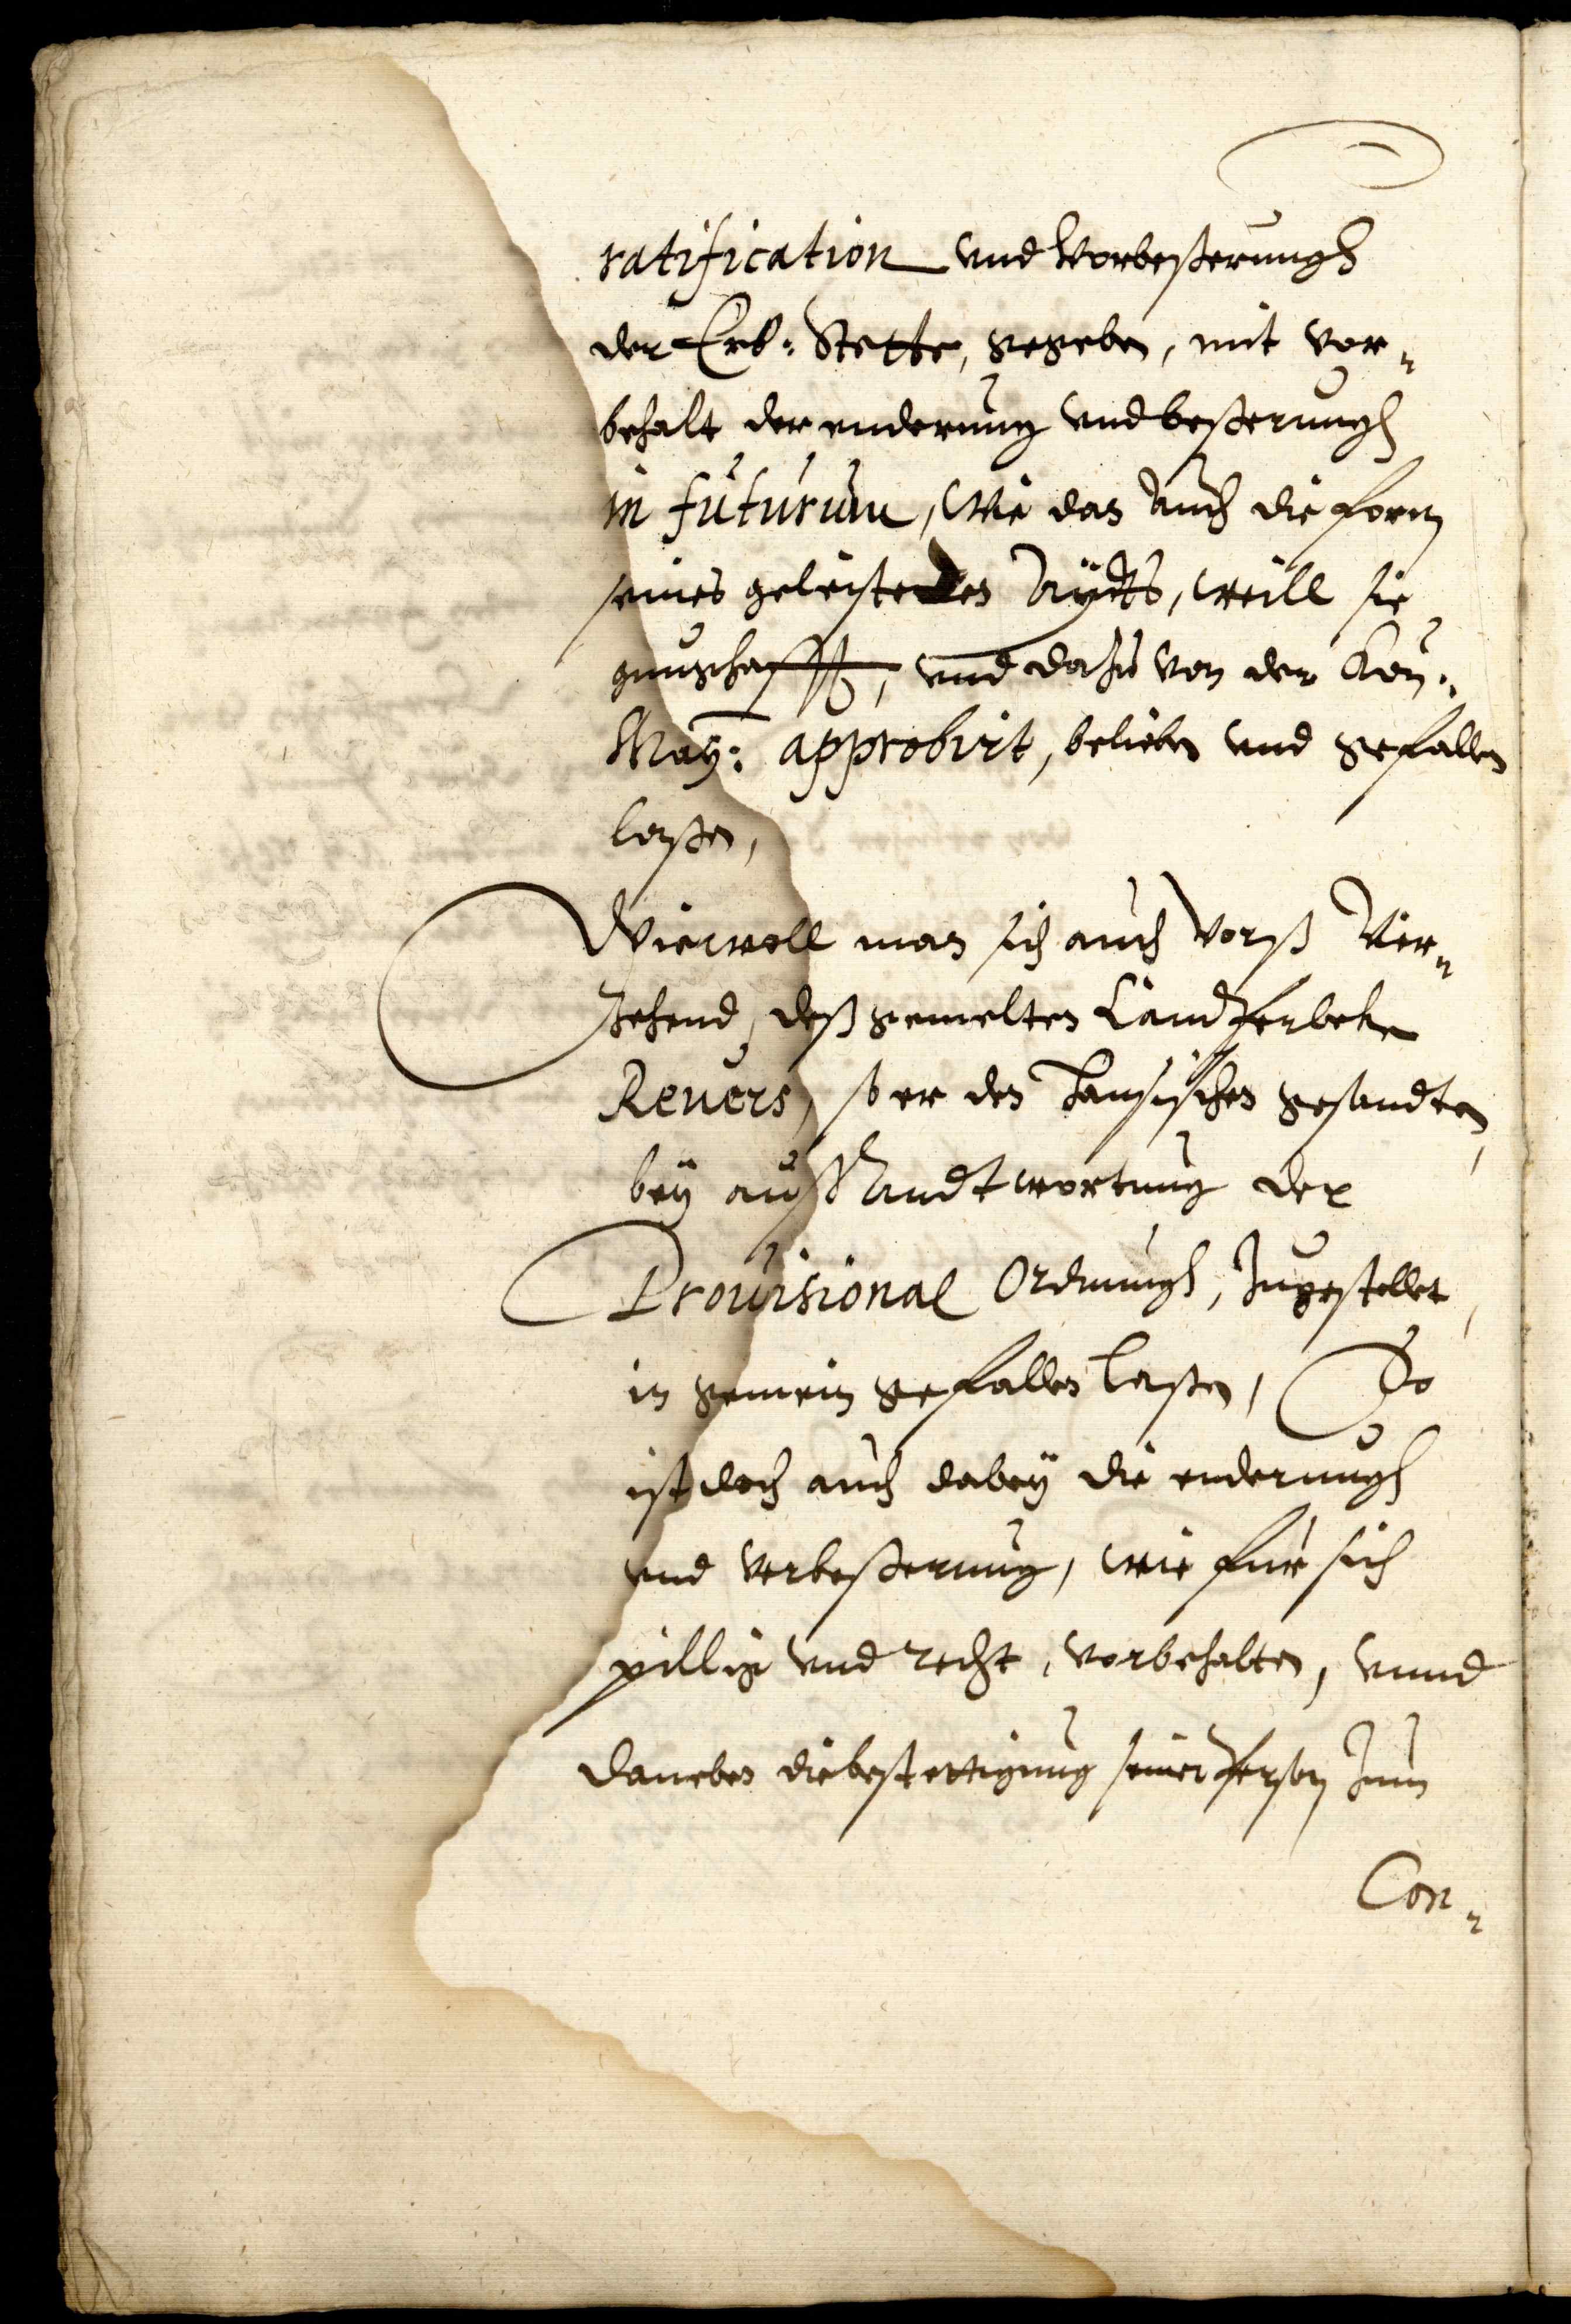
ratification vnd Vorbeßerungh
der Erb: Stette, gegeben,mit vor¬
behalt der enderung vnd beßerungh
in futurum, wie das auch die formen
seines geleisteten Aijdts, weill sie
genughafft, vnd dazu von der kon:
Maij: approbirt,belieben vnd gefallen
laßen,
Wiewoll man sich auch vorß Vier¬
zehend, deß gemelten Candferbeken
Reuers, so er den hansischen gesandten
beij ausandt wortung der
Prouisional Ordnungh, zugestellet,
in gemeinen gehalden laßen, So
ist doch auch dabeij die enderungh
vnd Vorbeßerung,wie fur sich
pillige vnd recht,vorbehalten,vnnd
daneben die bestettigung seiner ????? ????
Con¬
